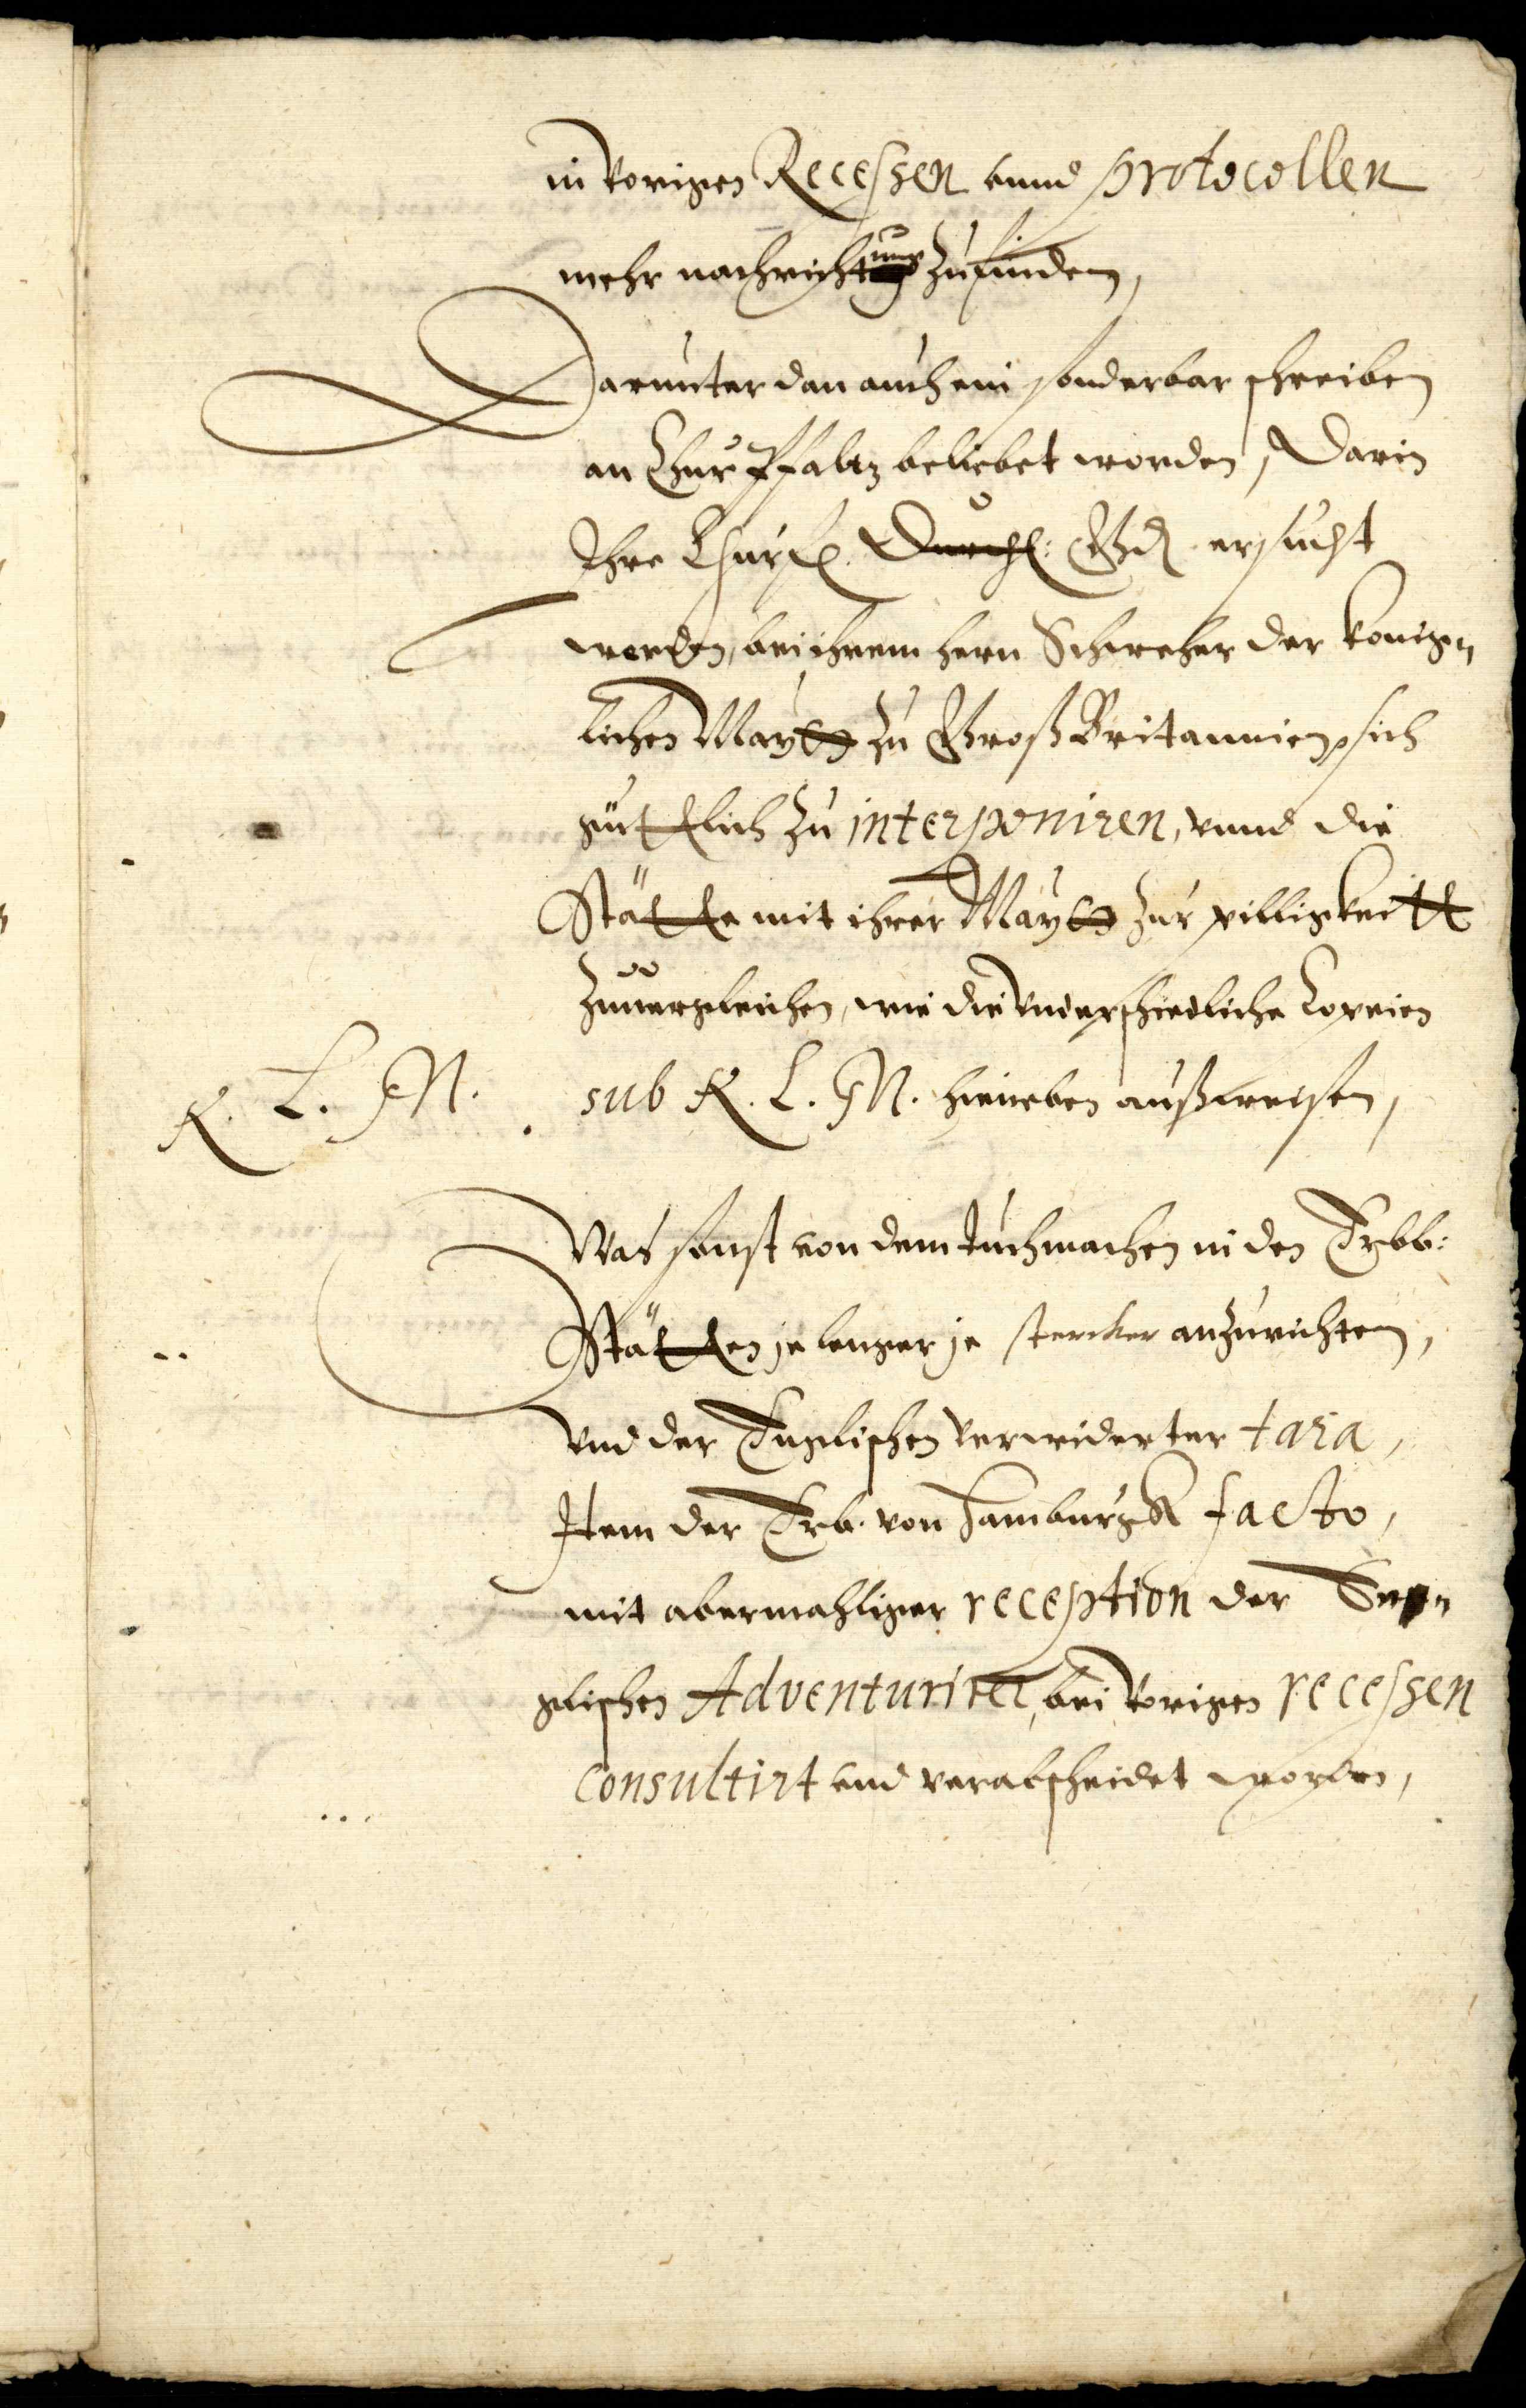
K. L. M.
in vorigen Recessen vnnd protocollen
mehr nachrichtugung zufinden,
Darunter dan auch ein sonderbar schreiben
an ChurPfaltz beliebet worden, Darin
Ihre Churfl. Durchl: Gd. ersucht
werden, bei ihrem hern Schwager der Konig¬
lichen Maytt Zu GroßBritannien p sich
güttlich Zu interponiren, vnnd die
Stätte mit ihrer Maytt Zur pilligkeitt
Zuuergleichen, wie die Vnderschiedliche Copeien
sub K. L. M. hieneben außweisen,
Was sonst von dem tuchmachen in den Erbb:
Stätten je lenger je stercker anZurichten ,
Vnd der Englischen Verwiderter tara,
Item der Erb. von Hamburgk facto,
mit abermahliger reception der En¬
glischen Adventurirer, bei Vorigen recessen
consultirt vnd verabschiedet worden,
